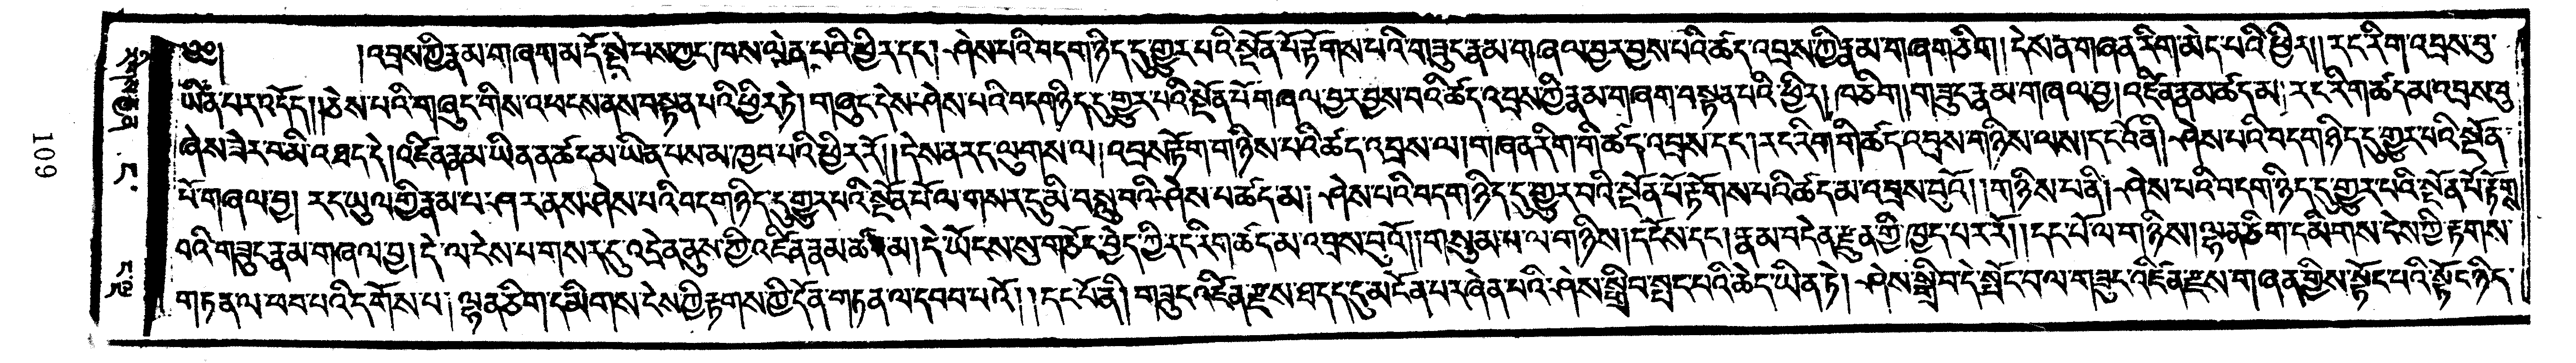༄༅། །འབྲས་ཀྱི་རྣམ་གཞག་མདོ་སྡེ་པས་ཀྱང་ཁས་ལེན་པའི་ཕྱིར་དང་། ཤེས་པའི་བདག་ཉིད་དུ་གྱུར་པའི་སྔོན་པོ་རྟོགས་པའི་གཟུང་རྣམ་གཞལ་བྱར་བྱས་པའི་ཚད་འབྲས་ཀྱི་རྣམ་གཞག་ཅིག །དེས་ན་གཞན་རིག་མེད་པའི་ཕྱིར། །རང་རིག་འབྲས་བུ་
ཡིན་པར་འདོད། །ཅེས་པའི་གཞུང་གིས་འཕངས་ནས་བསྟན་པའི་ཕྱིར་ཏེ། གཞུང་དེས་ཤེས་པའི་བདག་ཉིད་དུ་གྱུར་པའི་སྔོན་པོ་གཞལ་བྱར་བྱས་པའི་ཚད་འབྲས་ཀྱི་རྣམ་གཞག་བསྟན་པའི་ཕྱིར། ཁ་ཅིག །གཟུང་རྣམ་གཞལ་བྱ། འཛིན་རྣམ་ཚད་མ། རང་རིག་ཚད་མ་འབྲས་བུ་
ཞེས་ཟེར་བ་མི་འཐད་དེ། འཛིན་རྣམ་ཡིན་ན་ཚད་མ་ཡིན་པས་མ་ཁྱབ་པའི་ཕྱིར་རོ། །དེས་ན་རང་ལུགས་ལ། འབྲས་རྟོག་གཉིས་པའི་ཚད་འབྲས་ལ། གཞན་རིག་གི་ཚད་འབྲས་དང་། རང་རིག་གི་ཚད་འབྲས་གཉིས་ལས། དང་པོ་ནི། ཤེས་པའི་བདག་ཉིད་དུ་གྱུར་པའི་སྔོན་
པོ་གཞལ་བྱ། རང་ཡུལ་གྱི་རྣམ་པ་ཤར་ནས་ཤེས་པའི་བདག་ཉིད་དུ་གྱུར་པའི་སྔོན་པོ་ལ་གསར་དུ་མི་བསླུ་བའི་ཤེས་པ་ཚད་མ། ཤེས་པའི་བདག་ཉིད་དུ་གྱུར་པའི་སྔོན་པོ་རྟོགས་པའི་ཚད་མ་འབྲས་བུའོ། །གཉིས་པ་ནི། ཤེས་པའི་བདག་ཉིད་དུ་གྱུར་པའི་སྔོན་པོ་རྟོགས་
པའི་གཟུང་རྣམ་གཞལ་བྱ། དེ་ལ་ངེས་པ་གསར་དུ་འདྲེན་ནུས་ཀྱི་འཛིན་རྣམ་ཚད་མ། དེ་ཡོངས་སུ་གཅོད་བྱེད་ཀྱི་རང་རིག་ཚད་མ་འབྲས་བུའོ། །གསུམ་པ་ལ་གཉིས། དངོས་དང་། རྣམ་བདེན་རྫུན་གྱི་ཁྱད་པར་རོ། །དང་པོ་ལ་གཉིས། ལྷན་ཅིག་དམིགས་ངེས་ཀྱི་རྟགས་
གཏན་ལ་ཕབ་པའི་དགོས་པ། ལྷན་ཅིག་དམིགས་ངེས་ཀྱི་རྟགས་ཀྱི་དོན་གཏན་ལ་དབབ་པའོ། །དང་པོ་ནི། གཟུང་འཛིན་རྫས་ཐ་དད་དུ་མངོན་པར་ཞེན་པའི་ཤེས་སྒྲིབ་སྤང་བའི་ཆེད་ཡིན་ཏེ། ཤེས་སྒྲིབ་དེ་སྤོང་བ་ལ་གཟུང་འཛིན་རྫས་གཞན་གྱིས་སྟོང་པའི་སྟོང་ཉིད་